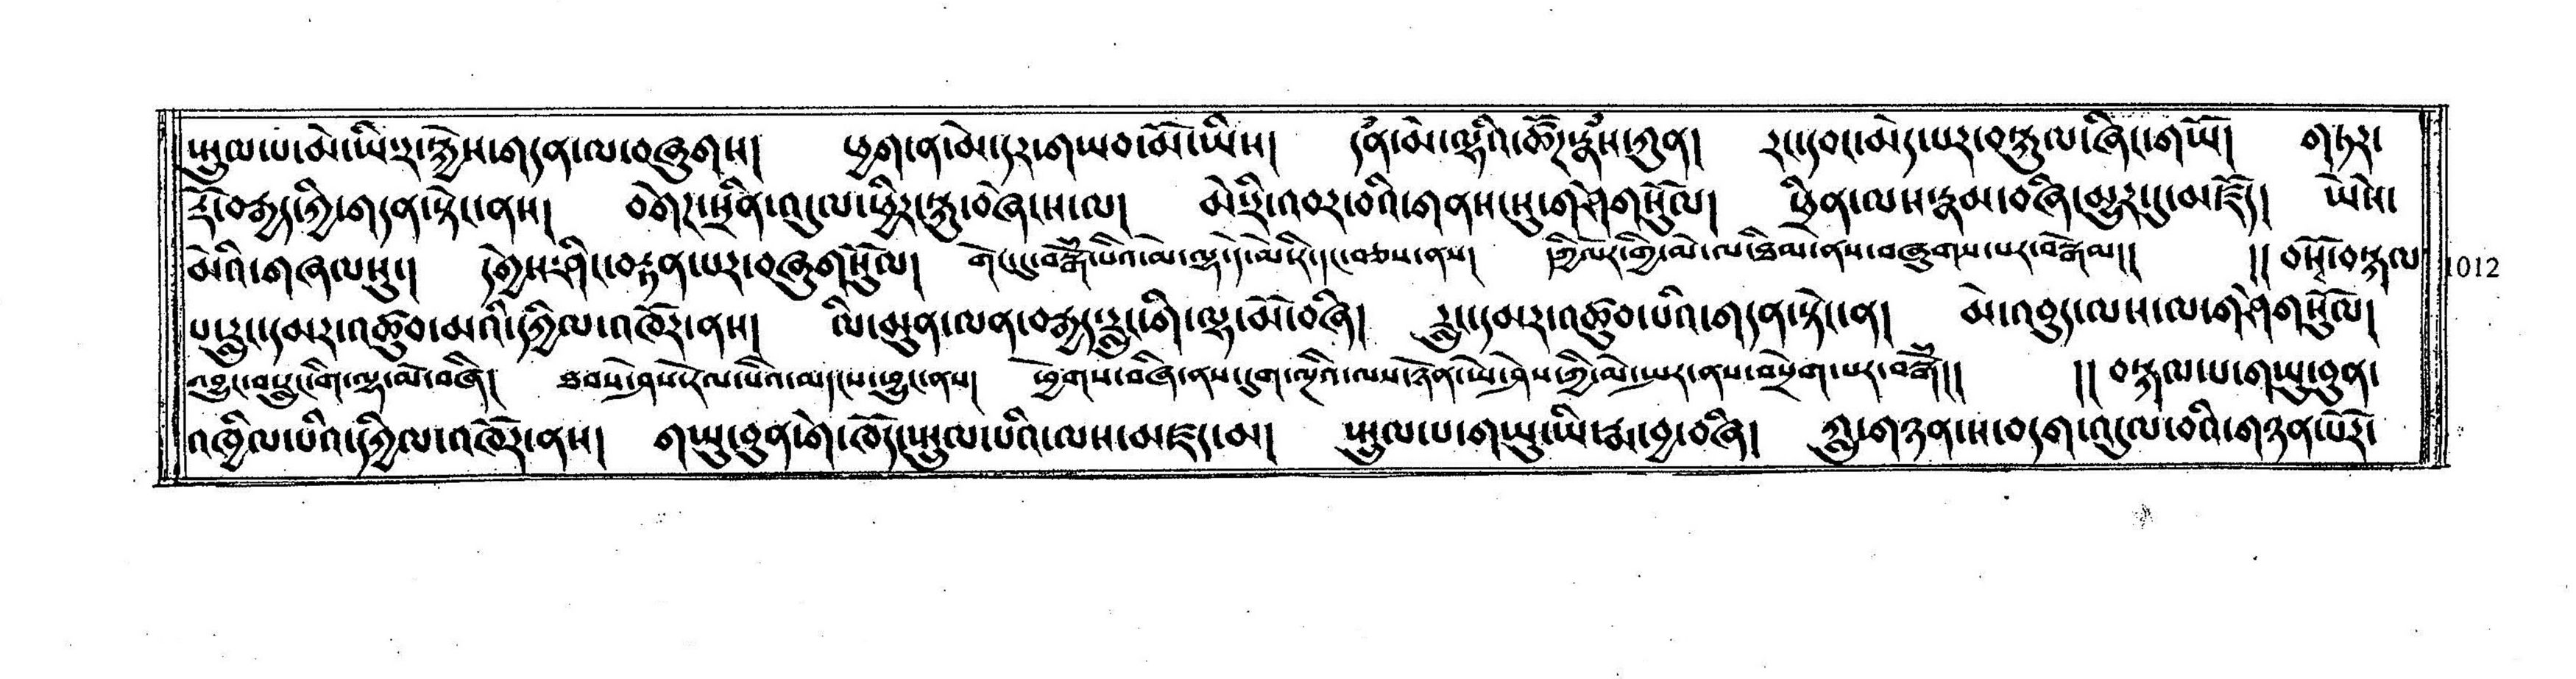སྤྲུལ་པ་མེ་ཡི་ར་སྐྱེས་གདན་ལ་བཞུགས། ཕྱག་ན་མེ་དར་གཡབ་མོ་ཡིས། དམ་ཅན་མེ་ལྷའི་ཚོགས་རྣམས་ཀུན། རང་དབང་མེད་པར་བསྐུལ་ཞིང་གཡོ། གཏར་
རྡོ་བརྒྱད་ཀྱི་གདན་སྟེང་ནས། བགེགས་སྲིན་འདུལ་ཕྱིར་སྐུ་བཞེངས་ལ། མེ་རི་འབར་བའི་གནས་སུ་གཤེགས་སུ་གསོལ། ཕྲིན་ལས་རྣམ་བཞི་མྱུར་དུ་མཛོད། ཡེ་ཤེས་
མེའི་གཞལ་ཡས་སུ། དགྱེས་ཤིང་བརྟན་པར་བཞུགས་སུ་གསོལ། གོང་དུ་བསྒོམ་པའི་མེ་ལྷ་དེ་མེ་རི་དང་བཅས་ནས། དཀྱིལ་འཁོར་གྱི་མེ་ལ་ཐིམ་ནས་བཞུགས་པར་བསྒོམ།། །།བསྭོ་བསྐལ་
པ་རླུང་དམར་འཚུབ་མའི་དཀྱིལ་འཁོར་ནས། ལི་མུན་ལན་བརྒྱད་རླུང་གི་ལྷ་མོ་བཞི། རླུང་དམར་འཚུབ་པའི་གདན་སྟེང་ན། མེ་འབུད་ལས་ལ་གཤེགས་སུ་གསོལ། 
འབྱུང་བ་རླུང་གི་ལྷ་མོ་བཞི། ཐབས་ཤེས་རོལ་པའི་མདངས་ཕྱུང་ནས། ཕྱོགས་བཞི་ནས་དུག་ལྔའི་ལས་ཉོན་ཡེ་ཤེས་ཀྱི་མེ་སྤར་ནས་བསྲེག་པར་བསྒོམ།། །།བསྐལ་པ་གཡུ་བུན་
འཁྱིལ་པའི་དཀྱིལ་འཁོར་ནས། གཡུ་བུན་གེ་ཁོད་སྤྲུལ་པའི་ལས་མཛད་མ། སྤྲུལ་པ་གཡུ་ཡི་རྨ་བྱ་བཞི། ཀླུ་གཉན་ས་བདག་འདུལ་བའི་གཉན་པོར་